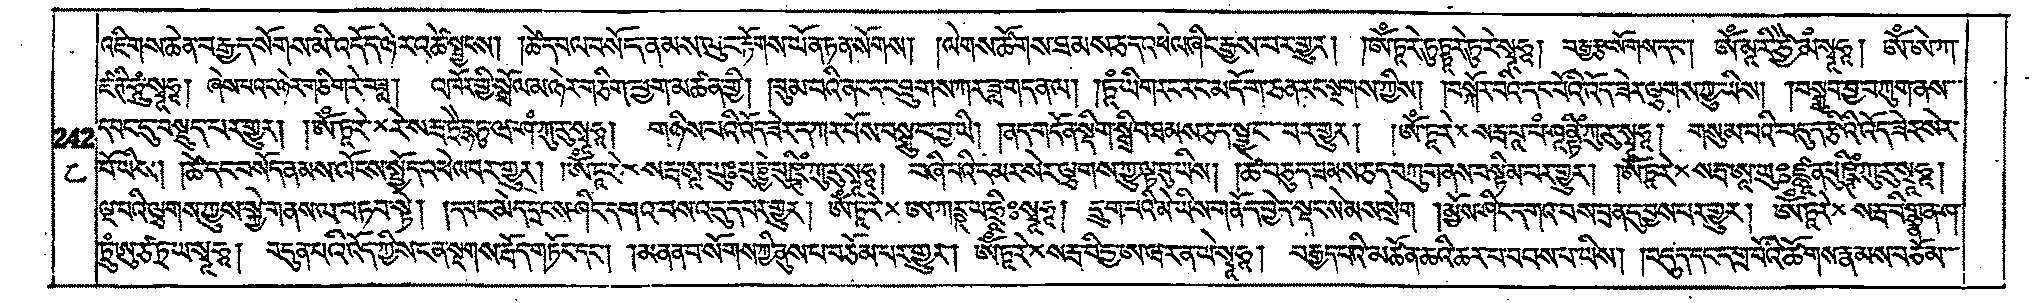འཇིགས་ཆེན་བརྒྱད་སོགས་མི་འདོད་ཉེར་འཚེ་སྦྱངས། །ཚེ་དཔལ་བསོད་ནམས་ལུང་རྟོགས་ཡོན་ཏན་སོགས། །ལེགས་ཚོགས་ཐམས་ཅད་འཕེལ་ཞིང་རྒྱས་པར་གྱུར། །ཨོཾ་ཏཱ་རེ་ཏུཏྟཱ་རེ་ཏུ་རེ་སྭཱཧཱ། བརྒྱ་རྩ་སོགས་དང་།  ཨོཾ་མཱ་རིཙྱཻ་མཾ་སྭཱཧཱ། ཨོཾ་ཨེ་ཀ་
ཛ་ཊི་ཧཱུཾ་སྭཱཧཱ། ཞེས་པའང་ཉེར་གཅིག་རེ་བཟླ།  འཁོར་གྱི་སྒྲོལ་མ་ཉེར་གཅིག་ཕྱག་མཚན་གྱི། །བུམ་པའི་ནང་དང་ཐུགས་ཀར་ཟླ་གདན་ལ། །ཏཱཾ་ཡིག་རང་རང་མདོག་ཅན་རང་སྔགས་ཀྱིས། །བསྐོར་བའི་དང་པོའི་འོད་ཟེར་ལྕགས་ཀྱུ་ཡིས། །བསྒྲུབ་བྱ་བཀུག་ནས་་་
དབང་དུ་བསྡུད་པར་གྱུར། །ཨོཾ་ཏཱ་རེ་྾་རེ་སརྦ་ཏྲཻ་དྷ་ཏུ་ཝ་ཤཾ་ཀུ་རུ་སྭཱཧཱ། གཉིས་པའི་འོད་ཟེར་དཀར་པོས་བསྒྲུབ་བྱ་ཡི། །ནད་གདོན་སྡིག་སྒྲིབ་ཐམས་ཅད་སྦྱང་་་བར་གྱུར། །ཨོཾ་ཏཱ་རེ་྾་སརྦ་པཱ་པཾ་ཤཱནྟིཾ་ཀུ་རུ་སྭཱཧཱ། གསུམ་པའི་བདུད་རྩིའི་འོད་ཟེར་སེར་
པོ་ཡིས། །ཚེ་དང་བསོད་ནམས་ལོངས་སྤྱོད་འཕེལ་བར་གྱུར། །ཨོཾ་ཏཱ་རེ་྾་སརྦ་ཨཱ་ཡུཿཔུཎྱེ་པུཥྚིཾ་ཀུ་རུ་སྭཱཧཱ། བཞི་པའི་དམར་སེར་ལྕགས་ཀྱུ་ལྟ་བུ་ཡིས། །ཚེ་བཅུད་ཐམས་ཅད་བཀུག་ནས་བསྟིམ་པར་གྱུར། །ཨོཾ་ཏཱ་རེ་྾་སརྦ་ཨཱ་ཡུཿཛྙཱ་ན་པུཥྚིཾ་ཀུ་རུ་སྭཱཧཱ།
ལྔ་པའི་ལྕགས་ཀྱུས་སྐྱེ་གནས་ལ་བཏབ་སྟེ། །དབང་མེད་དྲངས་ཤིང་དགའ་བས་འདུད་པར་གྱུར། ཨོཾ་ཏཱ་རེ་྾་ཨ་ཀརྵ་ཡ་ཧྲཱིཿསྭཱཧཱ། དྲུག་པའི་མེ་ཡིས་གནོད་བྱེད་སྡང་སེམས་སྲེག །མྱོས་ཤིང་དགའ་བས་བྲན་དུ་བྱས་པར་གྱུར། ཨོཾ་ཏཱ་རེ་྾་སརྦ་བིགྷྣན་ཤ་
ཏྲུཾ་ཨུ་ཙ་ཏྲ་ཡ་སྭཱཧཱ། བདུན་པའི་འོད་ཀྱིས་ངན་སྔགས་རྦོད་གཏོང་དང་། །མནན་པ་སོགས་ཀྱི་ནུས་པ་བཅོམ་པར་གྱུར། ཨོཾ་ཏཱ་རེ་྾་སརྦ་བིདྱ་ཨ་ཝ་ར་ན་ཡེ་སྭཱཧཱ། བརྒྱད་པའི་མཚོན་ཆའི་ཆར་པ་བབས་པ་ཡིས། །བདུད་དང་དགྲ་བོའི་ཚོགས་རྣམས་བཅོམ་་་